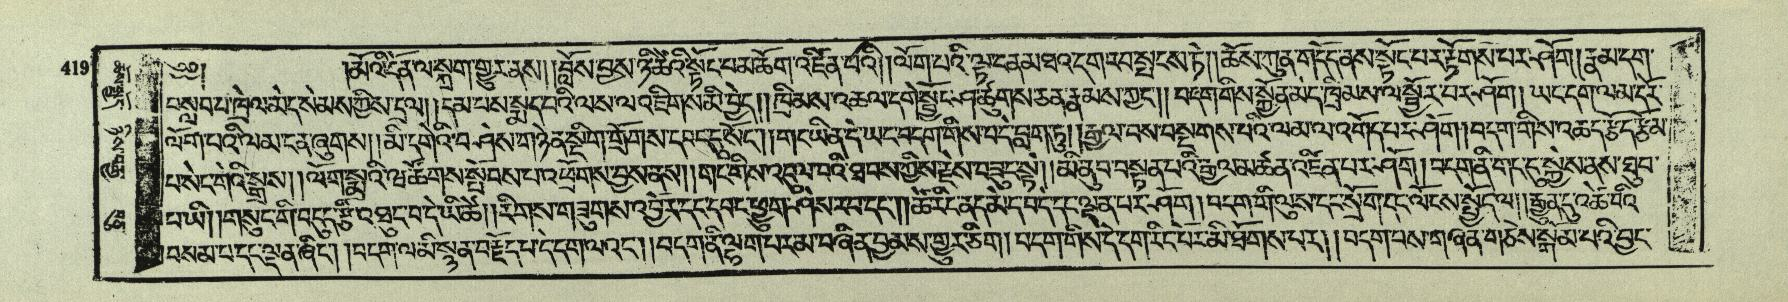༄༅། །མོའི་དོན་ལ་སྐྲག་གྱུར་ནས། །བློས་བྱས་ཉི་ཚེའི་སྟོང་པ་མཆོག་འཛིན་པའི། །ལོག་པའི་ལྟ་ངན་མཐའ་དག་རབ་སྤངས་ཏེ། །ཆོས་ཀུན་གདོད་ནས་སྟོང་པར་རྟོགས་པར་ཤོག །རྣམ་དག་
བསླབ་པ་ཁྲེལ་མེད་སེམས་ཀྱིས་དྲལ། །དམ་པས་སྨད་པའི་ལས་ལ་འཇིགས་མི་བྱེད། །ཁྲིམས་འཆལ་དགེ་སྦྱོང་ཤ་ཚུགས་ཅན་རྣམས་ཀྱང་། །བདག་གིས་སྐྱོན་མེད་ཁྲིམས་ལ་སྦྱོར་བར་ཤོག །ཡང་དག་ལམ་དོར་
ལོག་པའི་ལམ་ངན་ཞུགས། །མི་དགེའི་བཤེས་གཉེན་སྡིག་གྲོགས་དབང་དུ་སོང་། །གང་ཡིན་དེ་ཡང་བདག་གིས་བདེ་བླག་ཏུ། །རྒྱལ་བས་བསྔགས་པའི་ལམ་ལ་འགོད་པར་ཤོག །བདག་གིས་འཆད་རྩོད་རྩོམ་
པ་སེང་གེའི་སྒྲས། །ལོག་སྨྲའི་ཝ་ཚོགས་སྤོབས་པ་འཕྲོགས་བྱས་ནས། །གང་གིས་འདུལ་བའི་ཐབས་ཀྱིས་རྗེས་བཟུང་སྟེ། །མི་ནུབ་བསྟན་པའི་རྒྱལ་མཚན་འཛིན་པར་ཤོག །བདག་ནི་གང་དུ་སྐྱེས་ནས་ཐུབ་
པ་ཡི། །གསུམ་གི་བདུན་རྩི་འཐུང་བ་དེ་ཡི་ཚེ། །རིགས་གཟུགས་འབྱོར་དང་དབང་ཕྱུག་ཤེས་རབ་དང་། །ཚེ་རིང་ནད་མེད་བདེ་དང་ལྡན་པར་ཤོག །བདག་གི་ལུས་དང་སྲོག་དང་ལོངས་སྤྱོད་ལ། །རྒྱུན་དུ་འཚེ་བའི་
བསམ་པ་དང་ལྡན་ཞིང་། །བདག་ལ་མི་སྙན་བརྗོད་པ་དེ་དག་ལའང་། །བདག་ནི་ལྷག་པར་མ་བཞིན་བྱམས་གྱུར་ཅིག །བདག་གིས་དེ་དག་རིང་པོར་མི་ཐོགས་པར། །བདག་པས་གཞན་གཅེས་སྒོམ་པའི་བྱང་